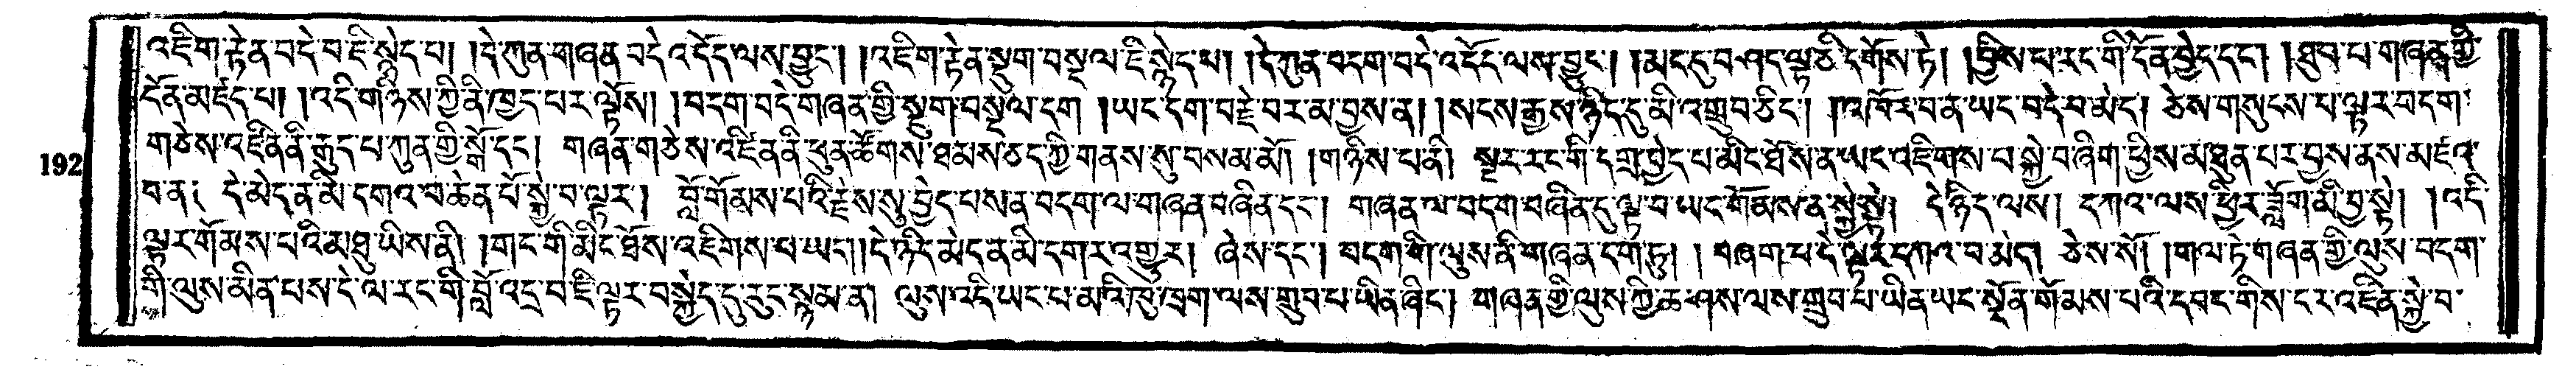འཇིག་རྟེན་བདེ་བ་ཇི་སྙེད་པ། །དེ་ཀུན་གཞན་བདེ་འདོད་ལས་བྱུང་། །འཇིག་རྟེན་སྡུག་བསྔལ་ཇི་སྙེད་པ། །དེ་ཀུན་བདག་བདེ་འདོད་ལས་བྱུང་། །མང་དུ་བཤད་ལྟ་ཅི་དགོས་ཏེ། །བྱིས་པ་རང་གི་དོན་བྱེད་དང་། །ཐུབ་པ་གཞན་གྱི་
དོན་མཛད་པ། །འདི་གཉིས་ཀྱི་ནི་ཁྱད་པར་ལྟོས། །བདག་བདེ་གཞན་གྱི་སྡུག་བསྔལ་དག །ཡང་དག་བརྗེ་བར་མ་བྱས་ན། །སངས་རྒྱས་ཉིད་དུ་མི་འགྲུབ་ཅིང་། །འཁོར་བ་ན་ཡང་བདེ་བ་མེད། ཅེས་གསུངས་པ་ལྟར་བདག་
གཅེས་འཛིན་ནི་རྒུད་པ་ཀུན་གྱི་སྒོ་དང་། གཞན་གཅེས་འཛིན་ནི་ཕུན་ཚོགས་ཐམས་ཅད་ཀྱི་གནས་སུ་བསམ་མོ། །གཉིས་པ་ནི། སྔར་རང་གི་དགྲ་བྱེད་པ་མིང་ཐོས་ན་ཡང་འཇིགས་པ་སྐྱེ་བ་ཞིག་ཕྱིས་མཐུན་པར་བྱས་ནས་མཛའ་
བ་ན༑ དེ་མེད་ན་མི་དགའ་བ་ཆེན་པོ་སྐྱེ་བ་ལྟར། བློ་གོམས་པའི་རྗེས་སུ་བྱེད་པས་ན་བདག་ལ་གཞན་བཞིན་དང་། གཞན་ལ་བདག་བཞིན་དུ་ལྟ་བ་ཡང་གོ་མས་ན་སྐྱེ་སྟེ། དེ་ཉིད་ལས། དཀའ་ལས་ཕྱིར་ཟློག་མི་བྱ་སྟེ། །འདི་
ལྟར་གོམས་པའི་མཐུ་ཡིས་ནི། །གང་གི་མིང་ཐོས་འཇིགས་པ་ཡང་། །དེ་ཉིད་མེད་ན་མི་དགར་འགྱུར། ཞེས་དང་། བདག་གི་ལུས་ནི་གཞན་དག་ཏུ། །བཞག་པ་དེ་ལྟར་དཀའ་བ་མེད། ཅེས་སོ། །གལ་ཏེ་གཞན་གྱི་ལུས་བདག་
གི་ལུས་མིན་པས་དེ་ལ་རང་གི་བློ་འདྲ་བ་ཇི་ལྟར་བསྐྱེད་དུ་རུང་སྙམ་ན། ལུས་འདི་ཡང་པ་མའི་ཁུ་ཁྲག་ལས་གྲུབ་པ་ཡིན་ཞིང་། གཞན་གྱི་ལུས་ཀྱི་ཆ་ཤས་ལས་གྲུབ་པ་ཡིན་ཡང་སྔོན་གོམས་པའི་དབང་གིས་ངར་འཛིན་སྐྱེ་བ་